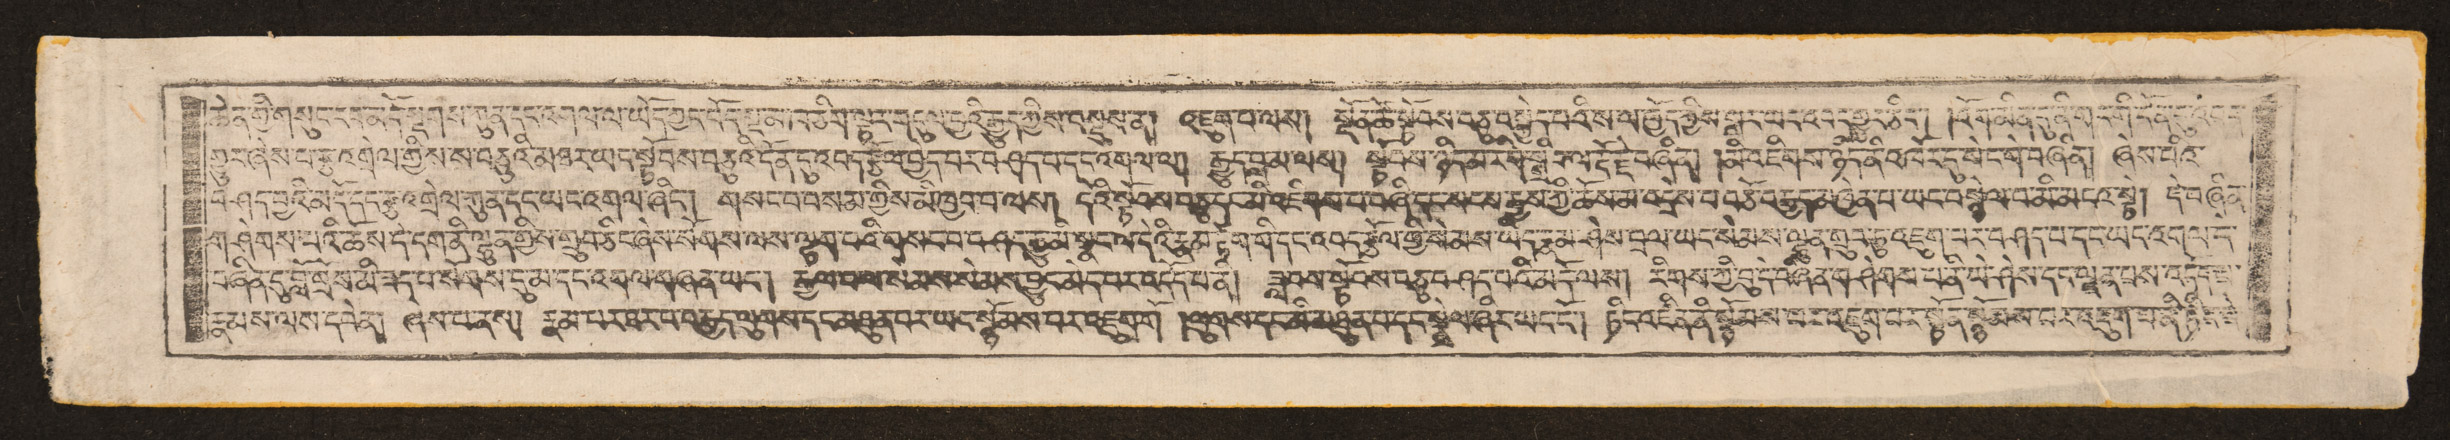ཆེན་གྱི་གསུང་རབ་མདོ་སྔགས་ཀུན་དང་འགལ་ལ་ཡོད་ཀྱང་བོད་སྔ་མ་ཁ་ཅིག་ལྟར་གདུལ་བྱའི་རྒྱུད་ཀྱིས་བསྡུས་ན། འཇུག་པ་ལས། སྔོན་ཚེ་སྟོབས་བཅུ་བསྐྱེད་པའི་ས་ལ་ཁྱོད་ཀྱིས་སླར་ཡང་འབད་གྱུར་ཅིང་། །འོག་མིན་དུ་ནི་གང་གི་དོན་དུ་འབད་
གྱུར་ཞེས་བ་རྩ་འགྲེལ་གྱིས་ས་བཅུའི་མཐར་ཡང་སྟོབས་བཅུའི་དོན་དུ་འབད་རྩོལ་བྱེད་པར་བཤད་པ་དང་འགལ་ལ། རྒྱུད་བླ་མ་ལས། སྟོབས་ཉིད་མ་རིག་སྒྲིབ་ལ་རྡོ་རྗེ་བཞིན། །མི་འཇིགས་ཉིད་ནི་འཁོར་དུ་སེང་གེ་བཞིན། ཞེས་པའི་
བཤད་བྱའི་མདོ་དང་རྩ་འགྲེལ་ཀུན་དང་ཡང་འགལ་ཞིང་། གསང་བ་བསམ་གྱིས་མི་ཁྱབ་པ་ལས། དེའི་སྟོབས་བཅུ་དང་མི་འཇིགས་པ་བཞི་དང་སངས་རྒྱས་ཀྱི་ཆོས་མ་འདྲེས་པ་བཅོ་བརྒྱད་མཁྱེན་པ་ཡང་བསྙེལ་བ་མི་མངའ་སྟེ། དེ་བཞིན་
གཤེགས་པའི་ཆོས་དེ་དག་ནི་ལྷུན་གྱིས་གྲུབ་ཅིང་ཞེས་སོགས་ལས་ལྷག་པའི་གསང་བ་བཤད་རྒྱུ་མི་སྣང་ལ་དེའི་རྣམ་རྟོག་གི་དང་འབད་རྩོལ་གྱི་སེམས་ཡིད་རྣམ་ཤེས་བྲལ་ཡང་སེམས་ལྷུན་གྲུབ་ཏུ་འཇུག་པར་བཤད་བ་དང་ཡང་འགལ་དེ་
བཞིན་དུ་བློ་གྲོས་མི་ཟད་པ་སོགས་དུ་མ་དང་འགལ་གཞན་ཡང་། རྒྱལ་བ་ལ་སེམས་སེམས་བྱུང་མེད་པར་འདོད་པ་ནི། ཟླ་བས་སྟོབས་བཅུ་བཤད་པའི་མདོ་ལས། རིགས་ཀྱི་བུ་དེ་བཞིན་གཤེགས་པ་ནི་ཡེ་ཤེས་དང་ལྡན་པས་འདོད་པ་
རྣམས་ལས་དབེན། ཞེས་བ་ནས། རྣམ་པར་ཐར་པ་བརྒྱད་ལུགས་དང་མཐུན་པར་ཡང་སྙོམས་པར་འཇུག་གོ །ལུགས་དང་མི་མཐུན་པ་དང་སྣྲེལ་ཞིང་ཡང་ངོ། ཏིང་འཛིན་ནི་སྙོམས་པར་འཇུག་པར་སྟོན་སྙོམས་བར་འཇུག་པ་ནི་ཏིང་ངེ་